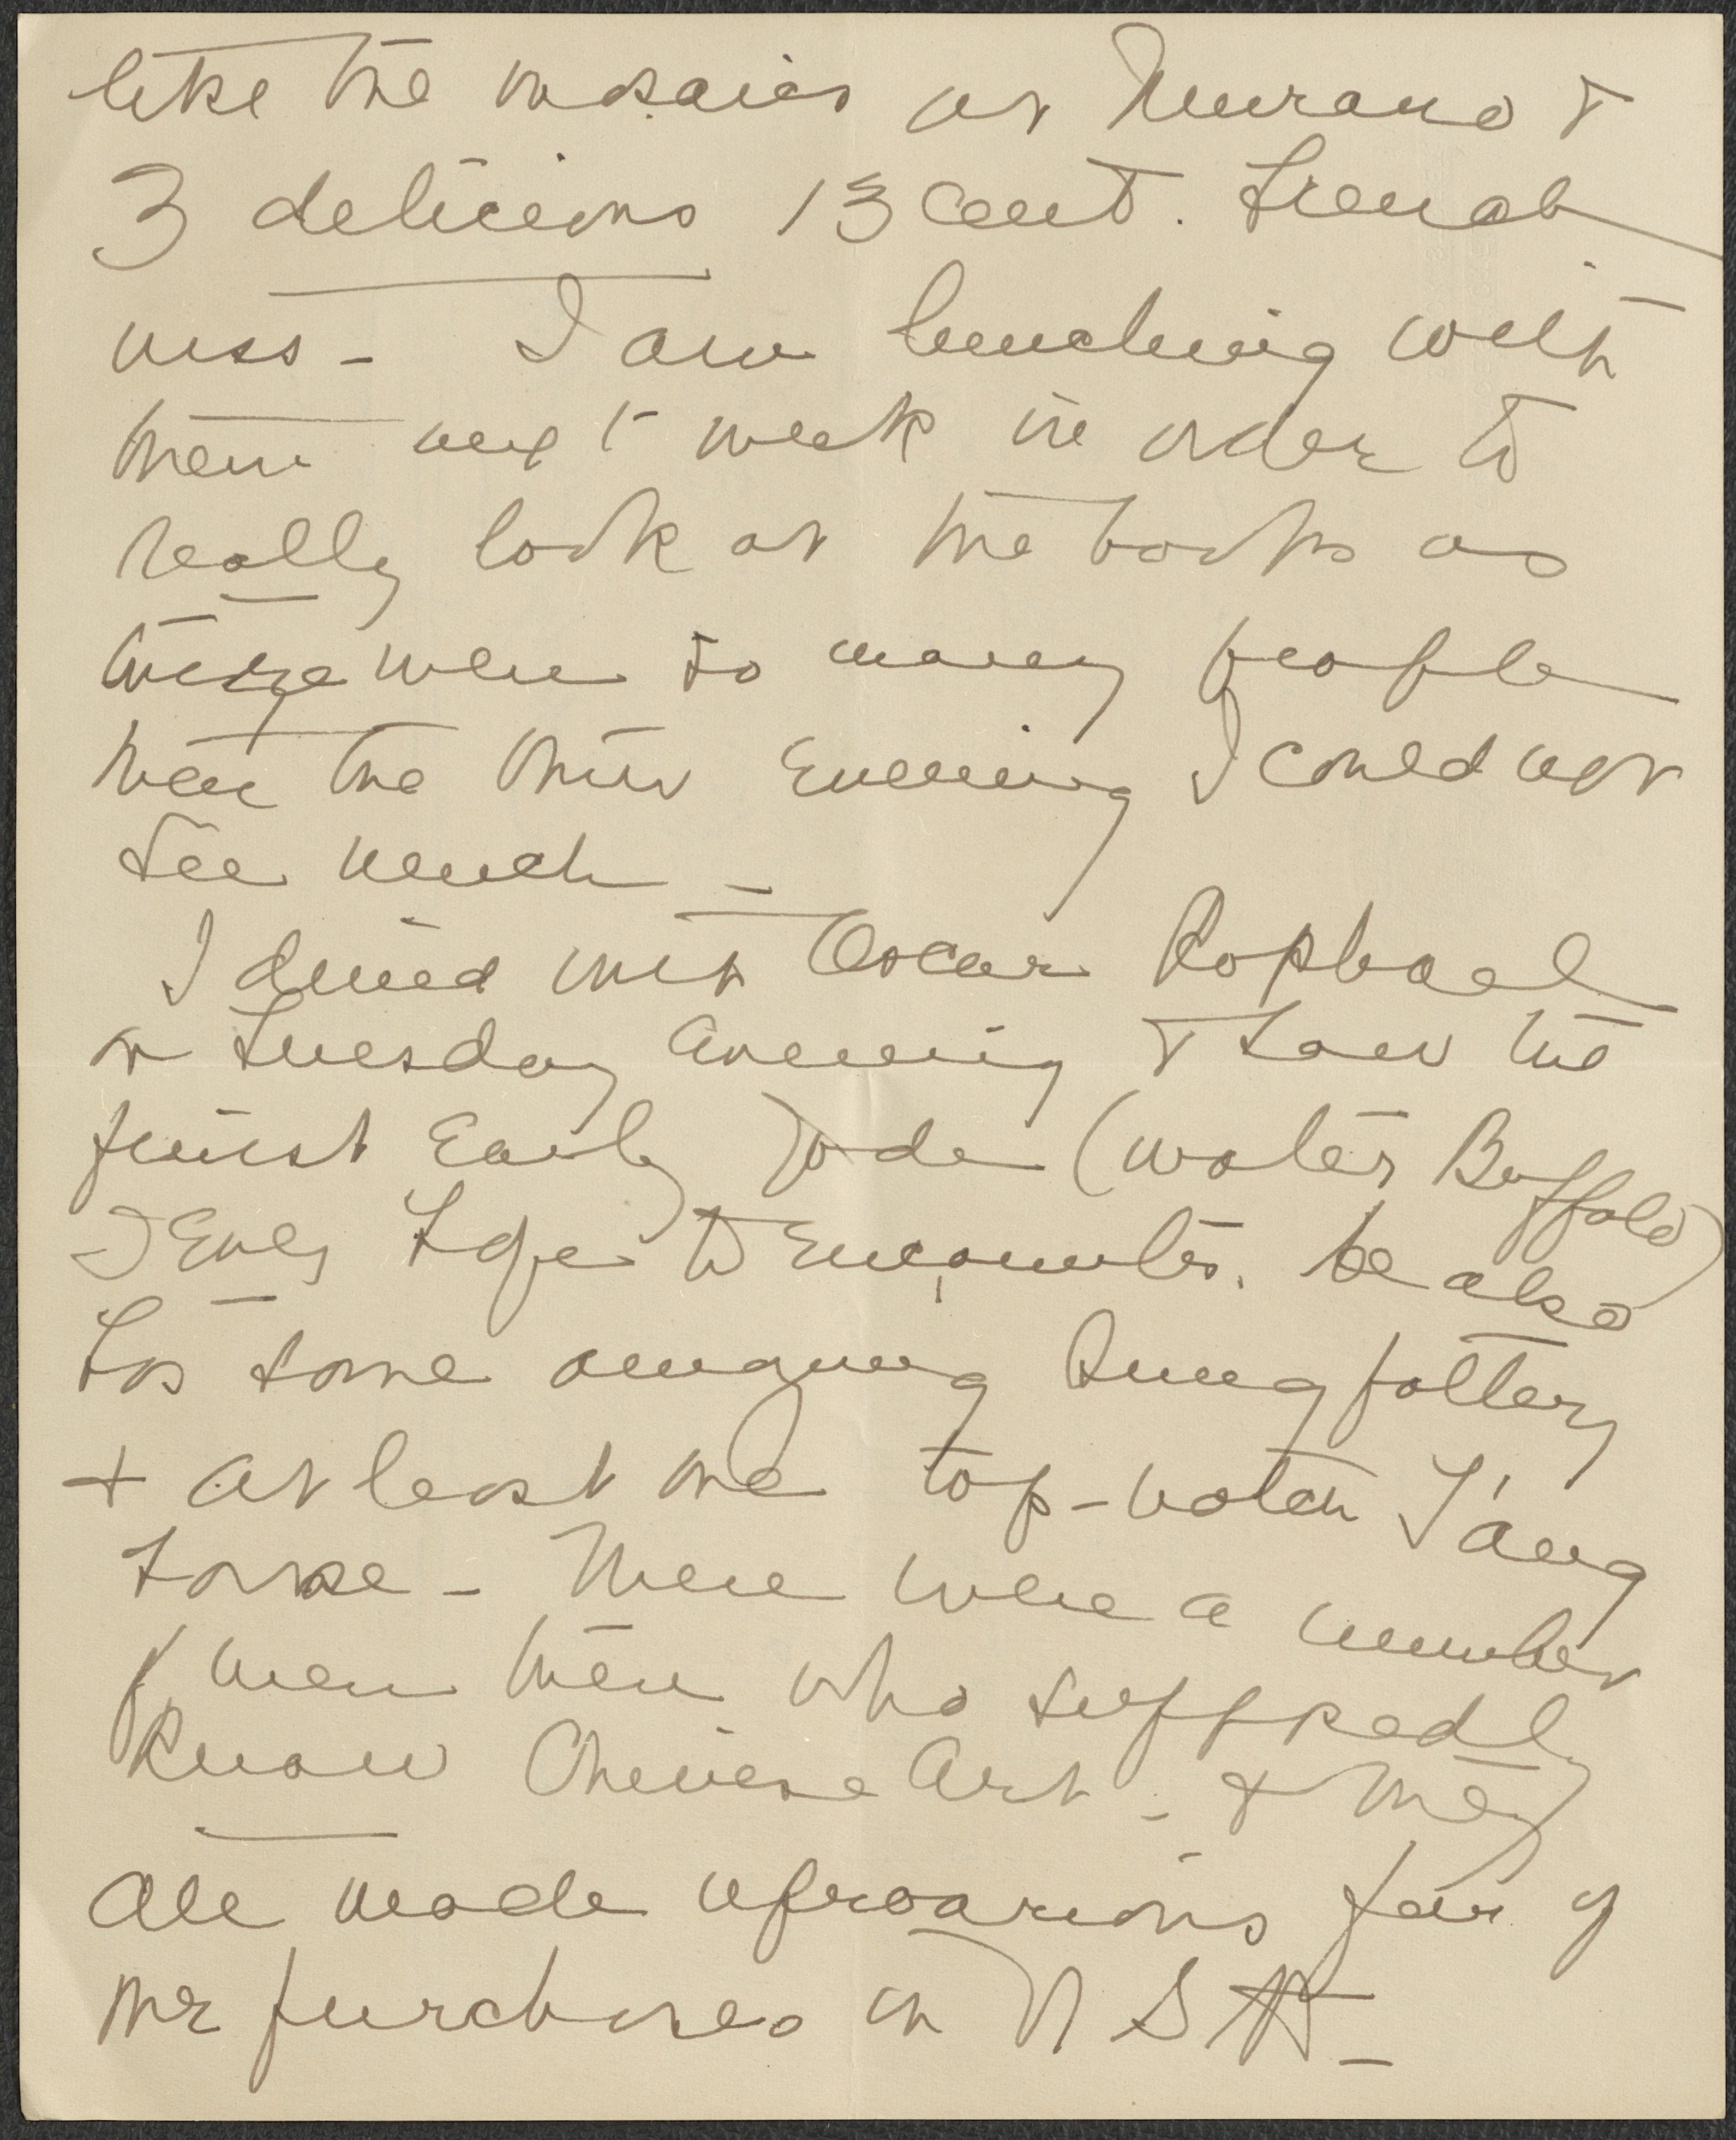like the mosaics at Murano & 3 delicious 13 Cent. French mss – I am lunching with them next week in order to really look at the books as there were so many people there the other evening I could not see much –
I dined with Oscar Raphael on Tuesday evening & saw the finest Early jade (water Buffalo I ever hope to encounter. he also has some amazing Sung pottery & at least one top-notch T’ang horse – There were a number of men there who supposedly know Chinese Art – & they all made uproarious for of me purchases in USA